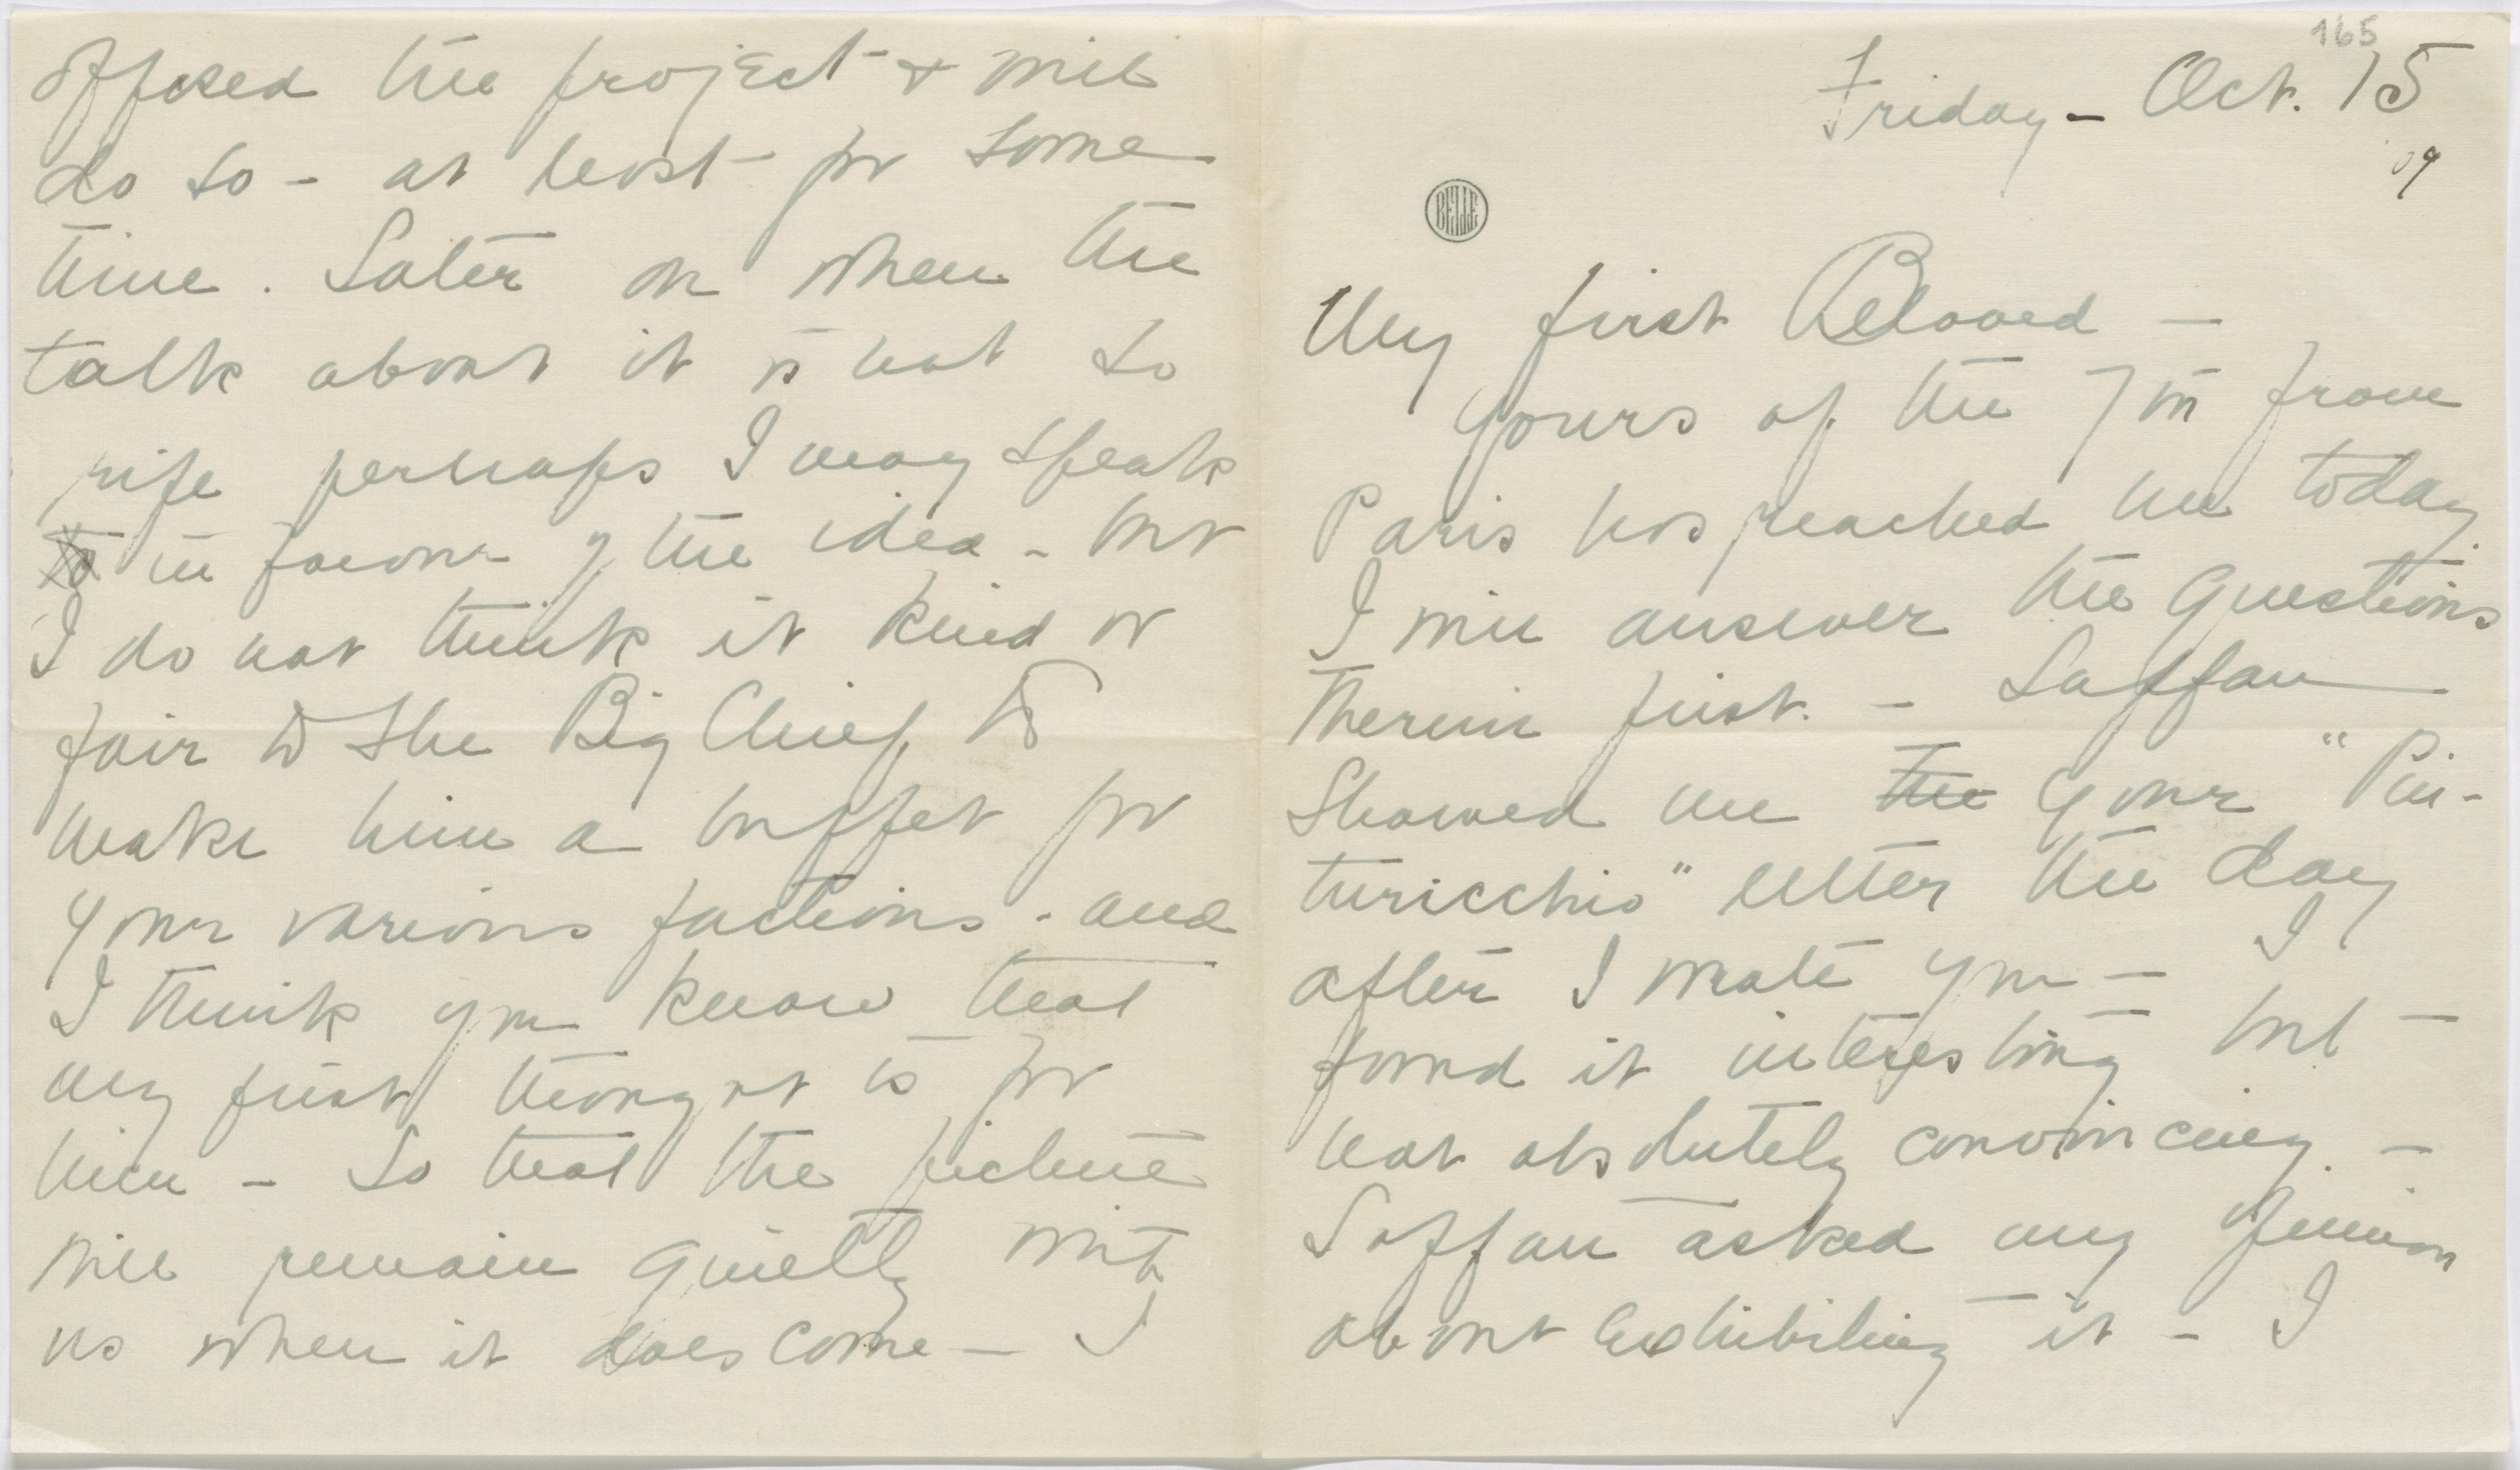Friday – Oct. 15
My first Beloved –
Yours of the 7th from Paris has reached me today.
I will answer the questions therein first. – Laffan showed me the your “Pinturicchio” letter the day after I wrote you – I found it interesting but not absolutely convincing – Laffan asked my opinion about exhibiting it – I
opposed the project & will do so – at least for some time. Later on when the talk about it is not so rife perhaps I may speak to in favour of the idea – but I do not think it kind or fair to the Big Chief to make him a buffet for your various factions – and I think you know that my first thought is for him – So that the picture will remain quietly with us when it does come – I